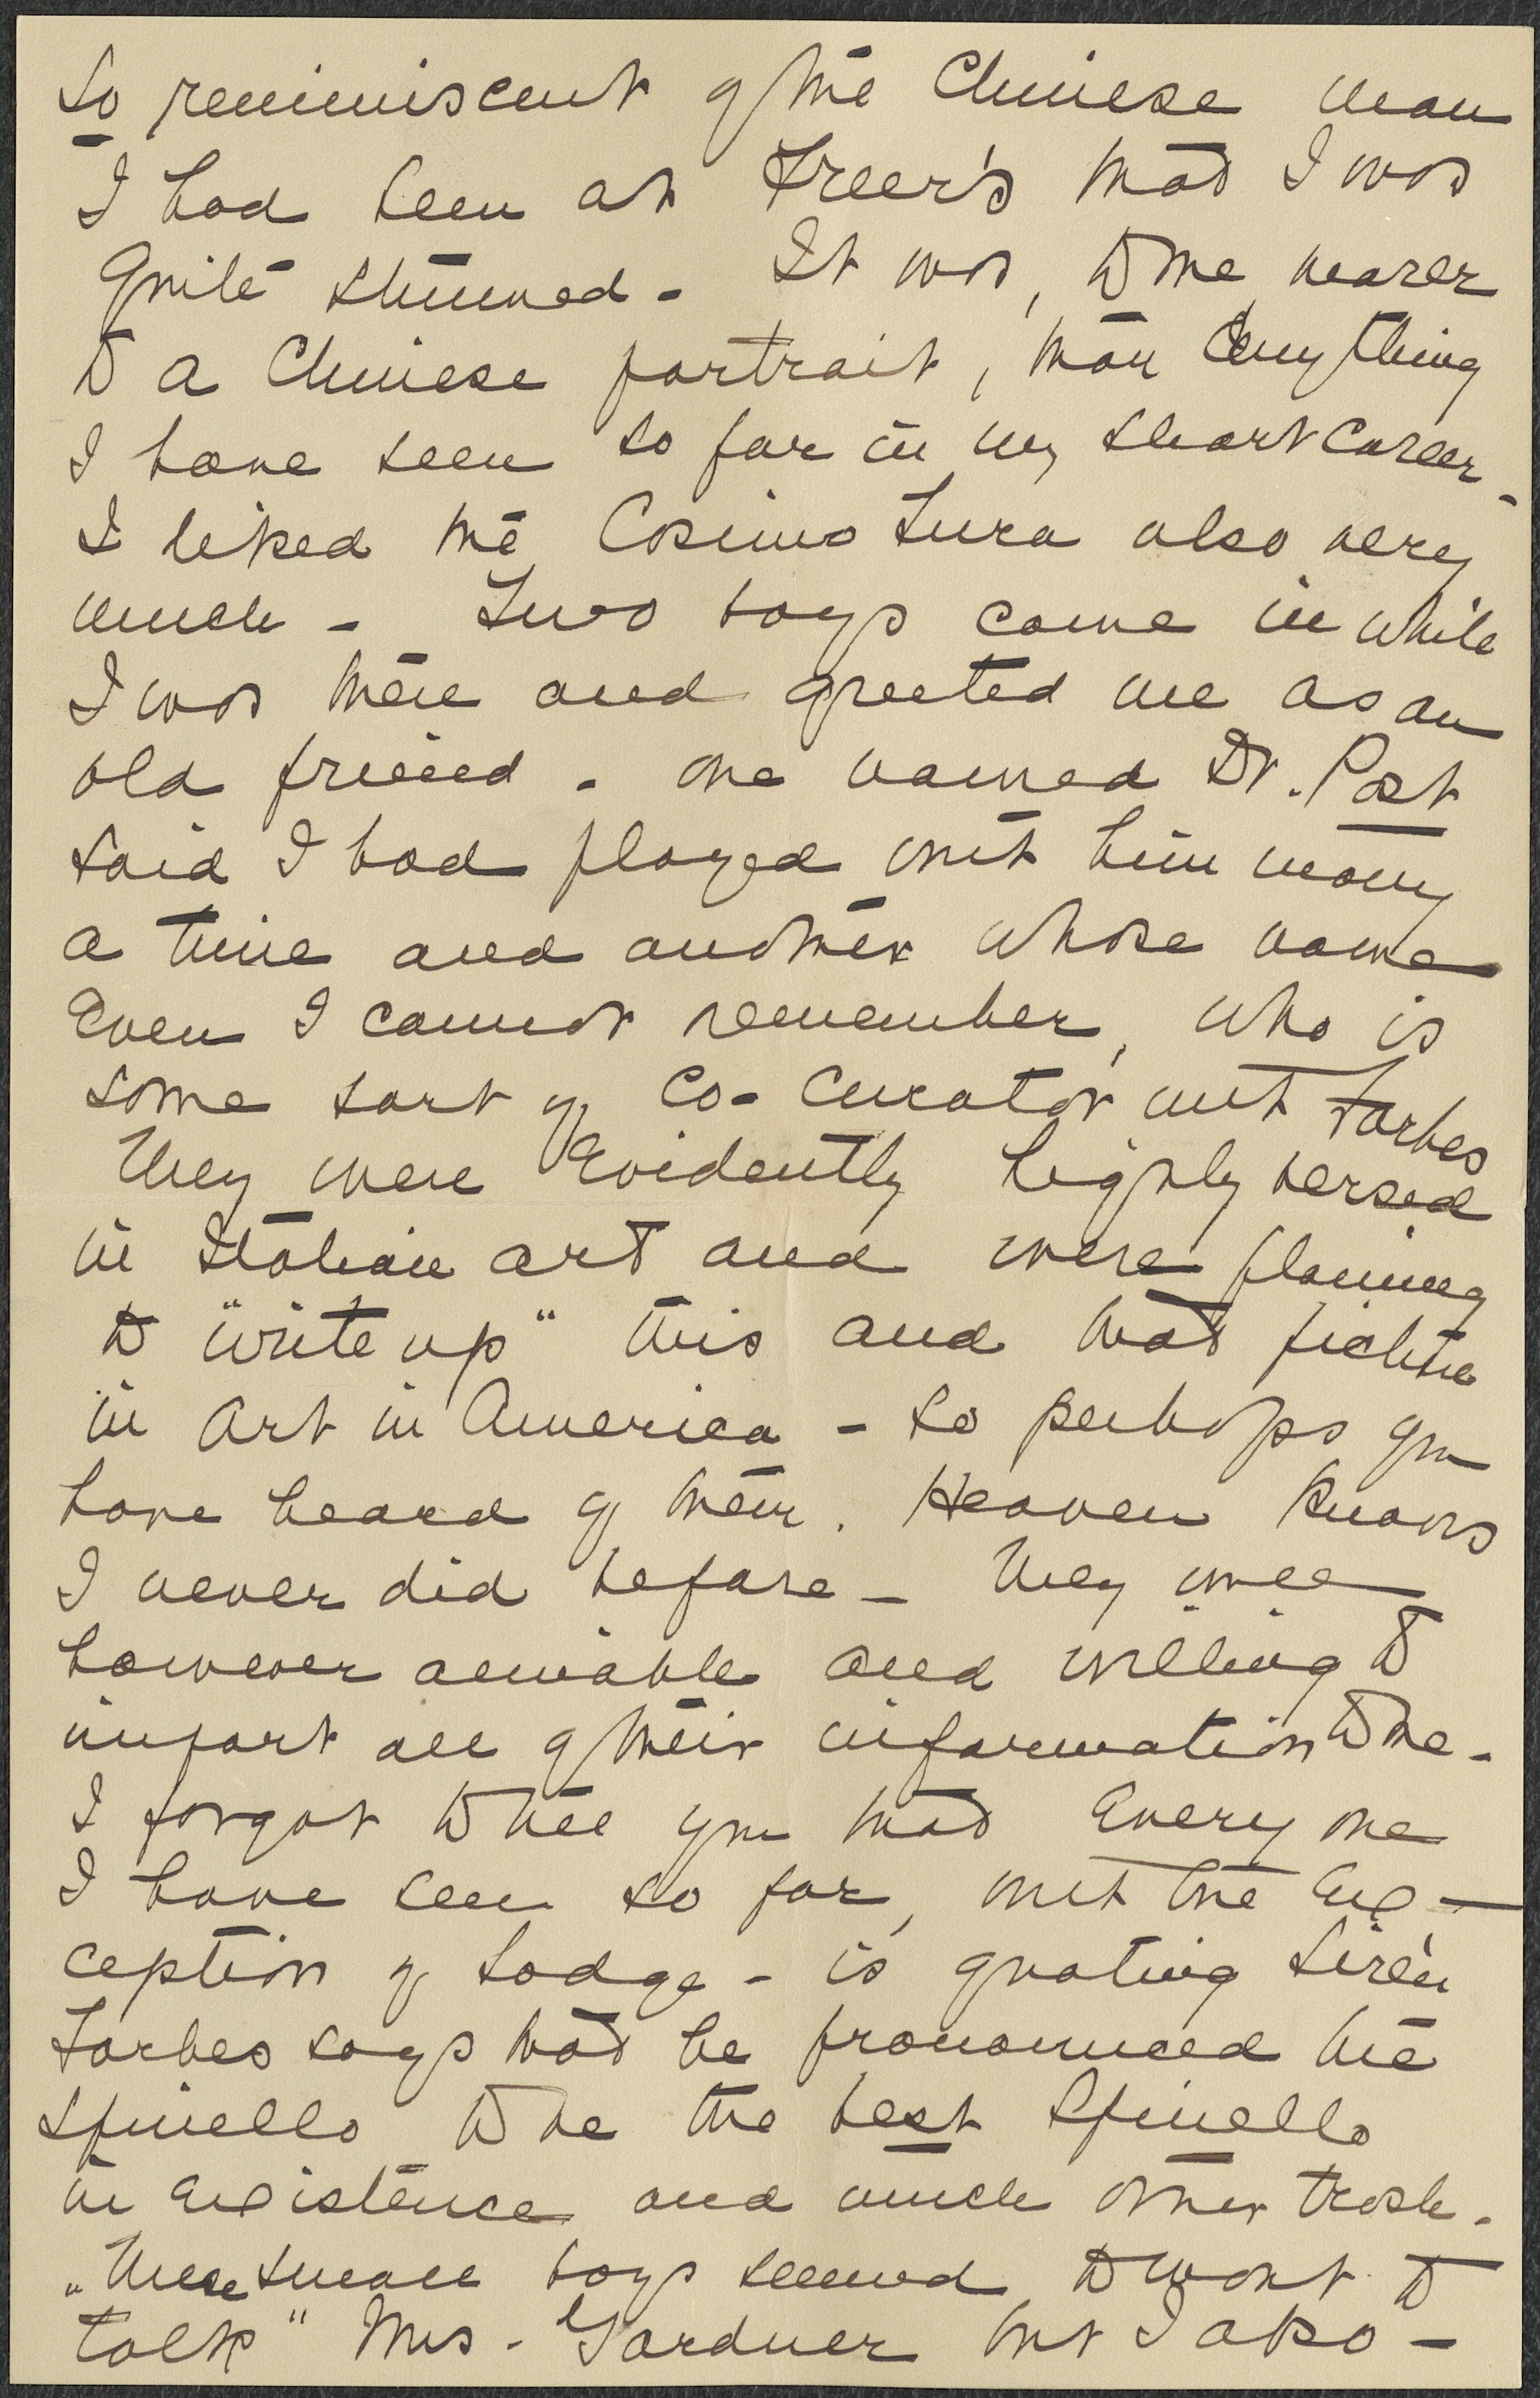so reminiscent of the Chinese man I had seen at Freer’s that I was quite stunned – It was, to me nearer to a Chinese portrait, than anything I have seen so far in my short career – I liked the Cosimo Tura also very much – Two boys came in while I was there and greeted me as an old friend – one named Dr. Post said I had played with him many a time and another whose name even I cannot remember, who is some sort of co-curator with Forbes
They were evidently highly versed in Italian art and were planning to “write up” this and that picture in Art in America – so perhaps you have heard of them. Heaven knows I never did before – they were however amiable and willing to impart all of their information to me – I forgot to tell you that everyone I have seen so far, with the exception of Lodge – is quoting Sirèn
Forbes says that he pronounced the Spinello to be the best Spinello in existence and much other trash – These shall small boys seemed to want to “talk” Mrs. Gardner but I